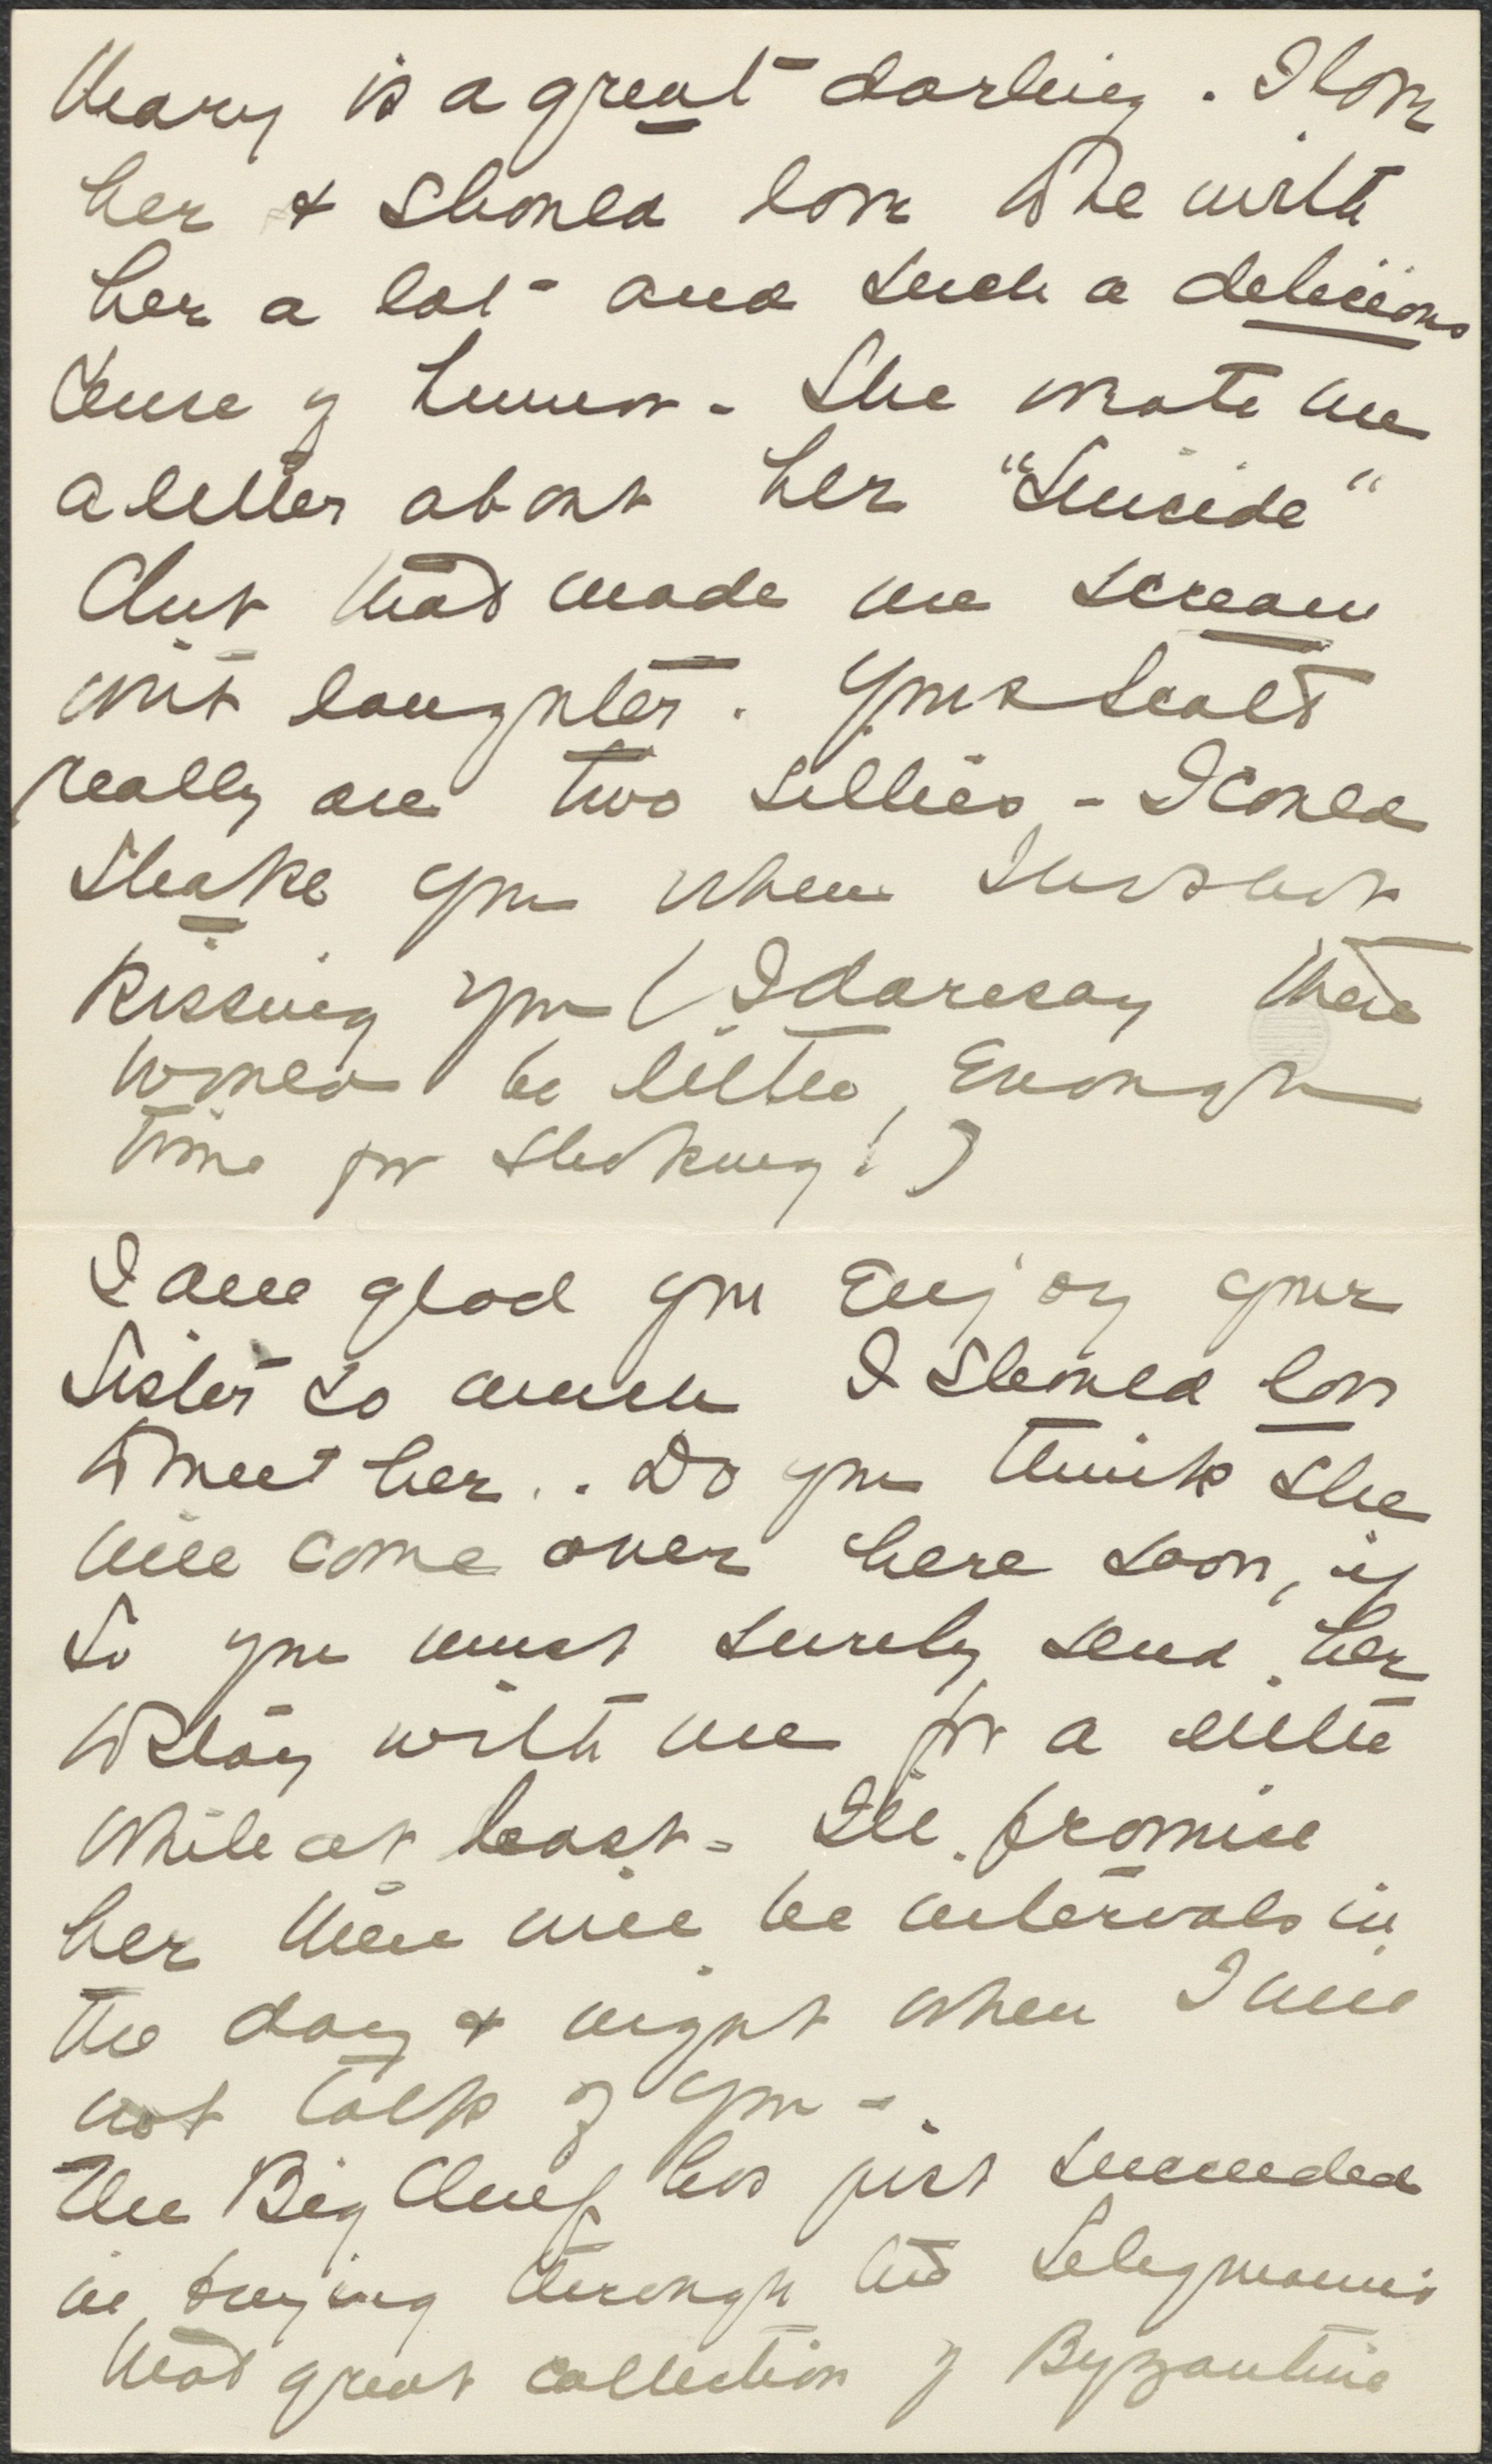Mary is a great darling. I love her & should love to be with her a lot and such a delicious sense of humor – She wrote me a letter about her “suicide” club that made me scream with laughter. You & Scott really are two sillies – I could shake you when I was not kissing you (I daresay there would be little enough time for shaking!)
I am glad you enjoy your sister so much I should love to meet her. . Do you think she will come over here soon, if so you must surely send her to stay with me for a little while at least – I’ll promise her there will be intervals in the day & night when I will not talk of you –
The Big Chief has just succeeded in buying through the Seligmann’s [sic] that great collection of Byzantine